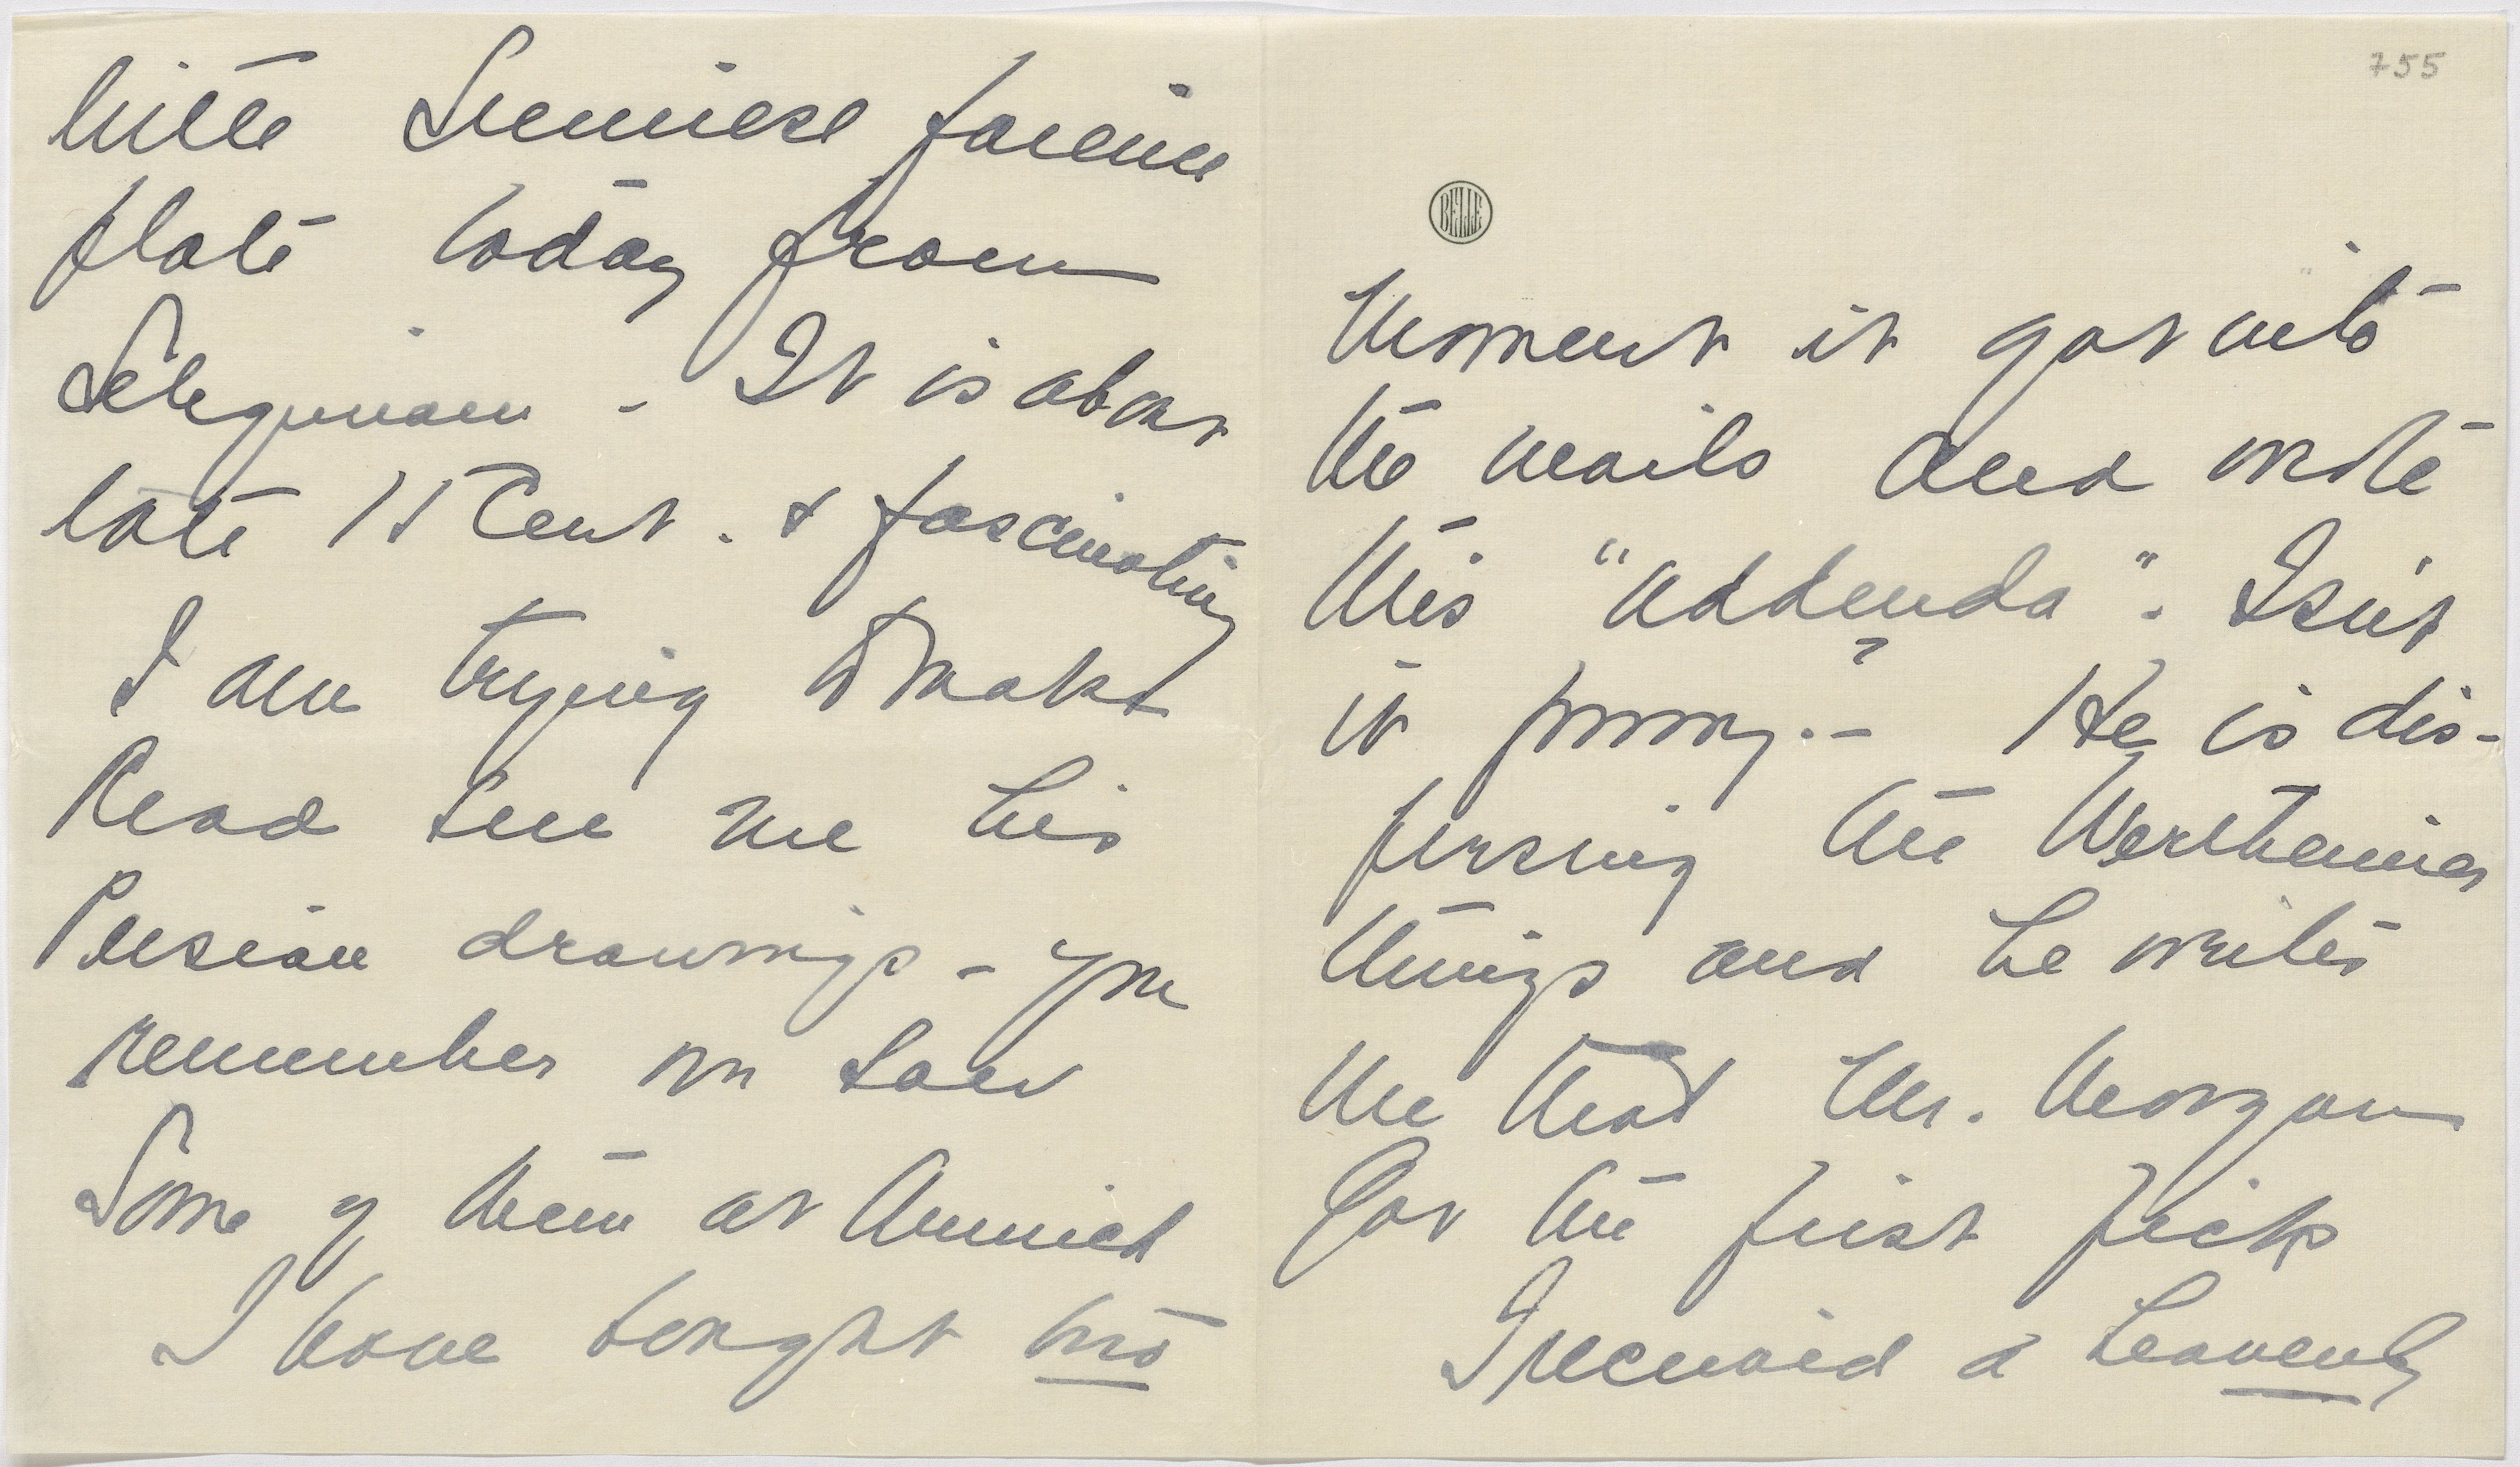moment it got into the mails and wrote this “addenda”. Isn’t it funny? – He is dispersing the Wertheimer things and he writes me that Mr. Morgan got the first pick
I received a heavenly
little Sienese faience plate today from Seligmann – It is about late 15 cent. & fascinating
I am trying to make Read sell me his Persian drawings – you remember we saw some of them at Munich
I have bought two